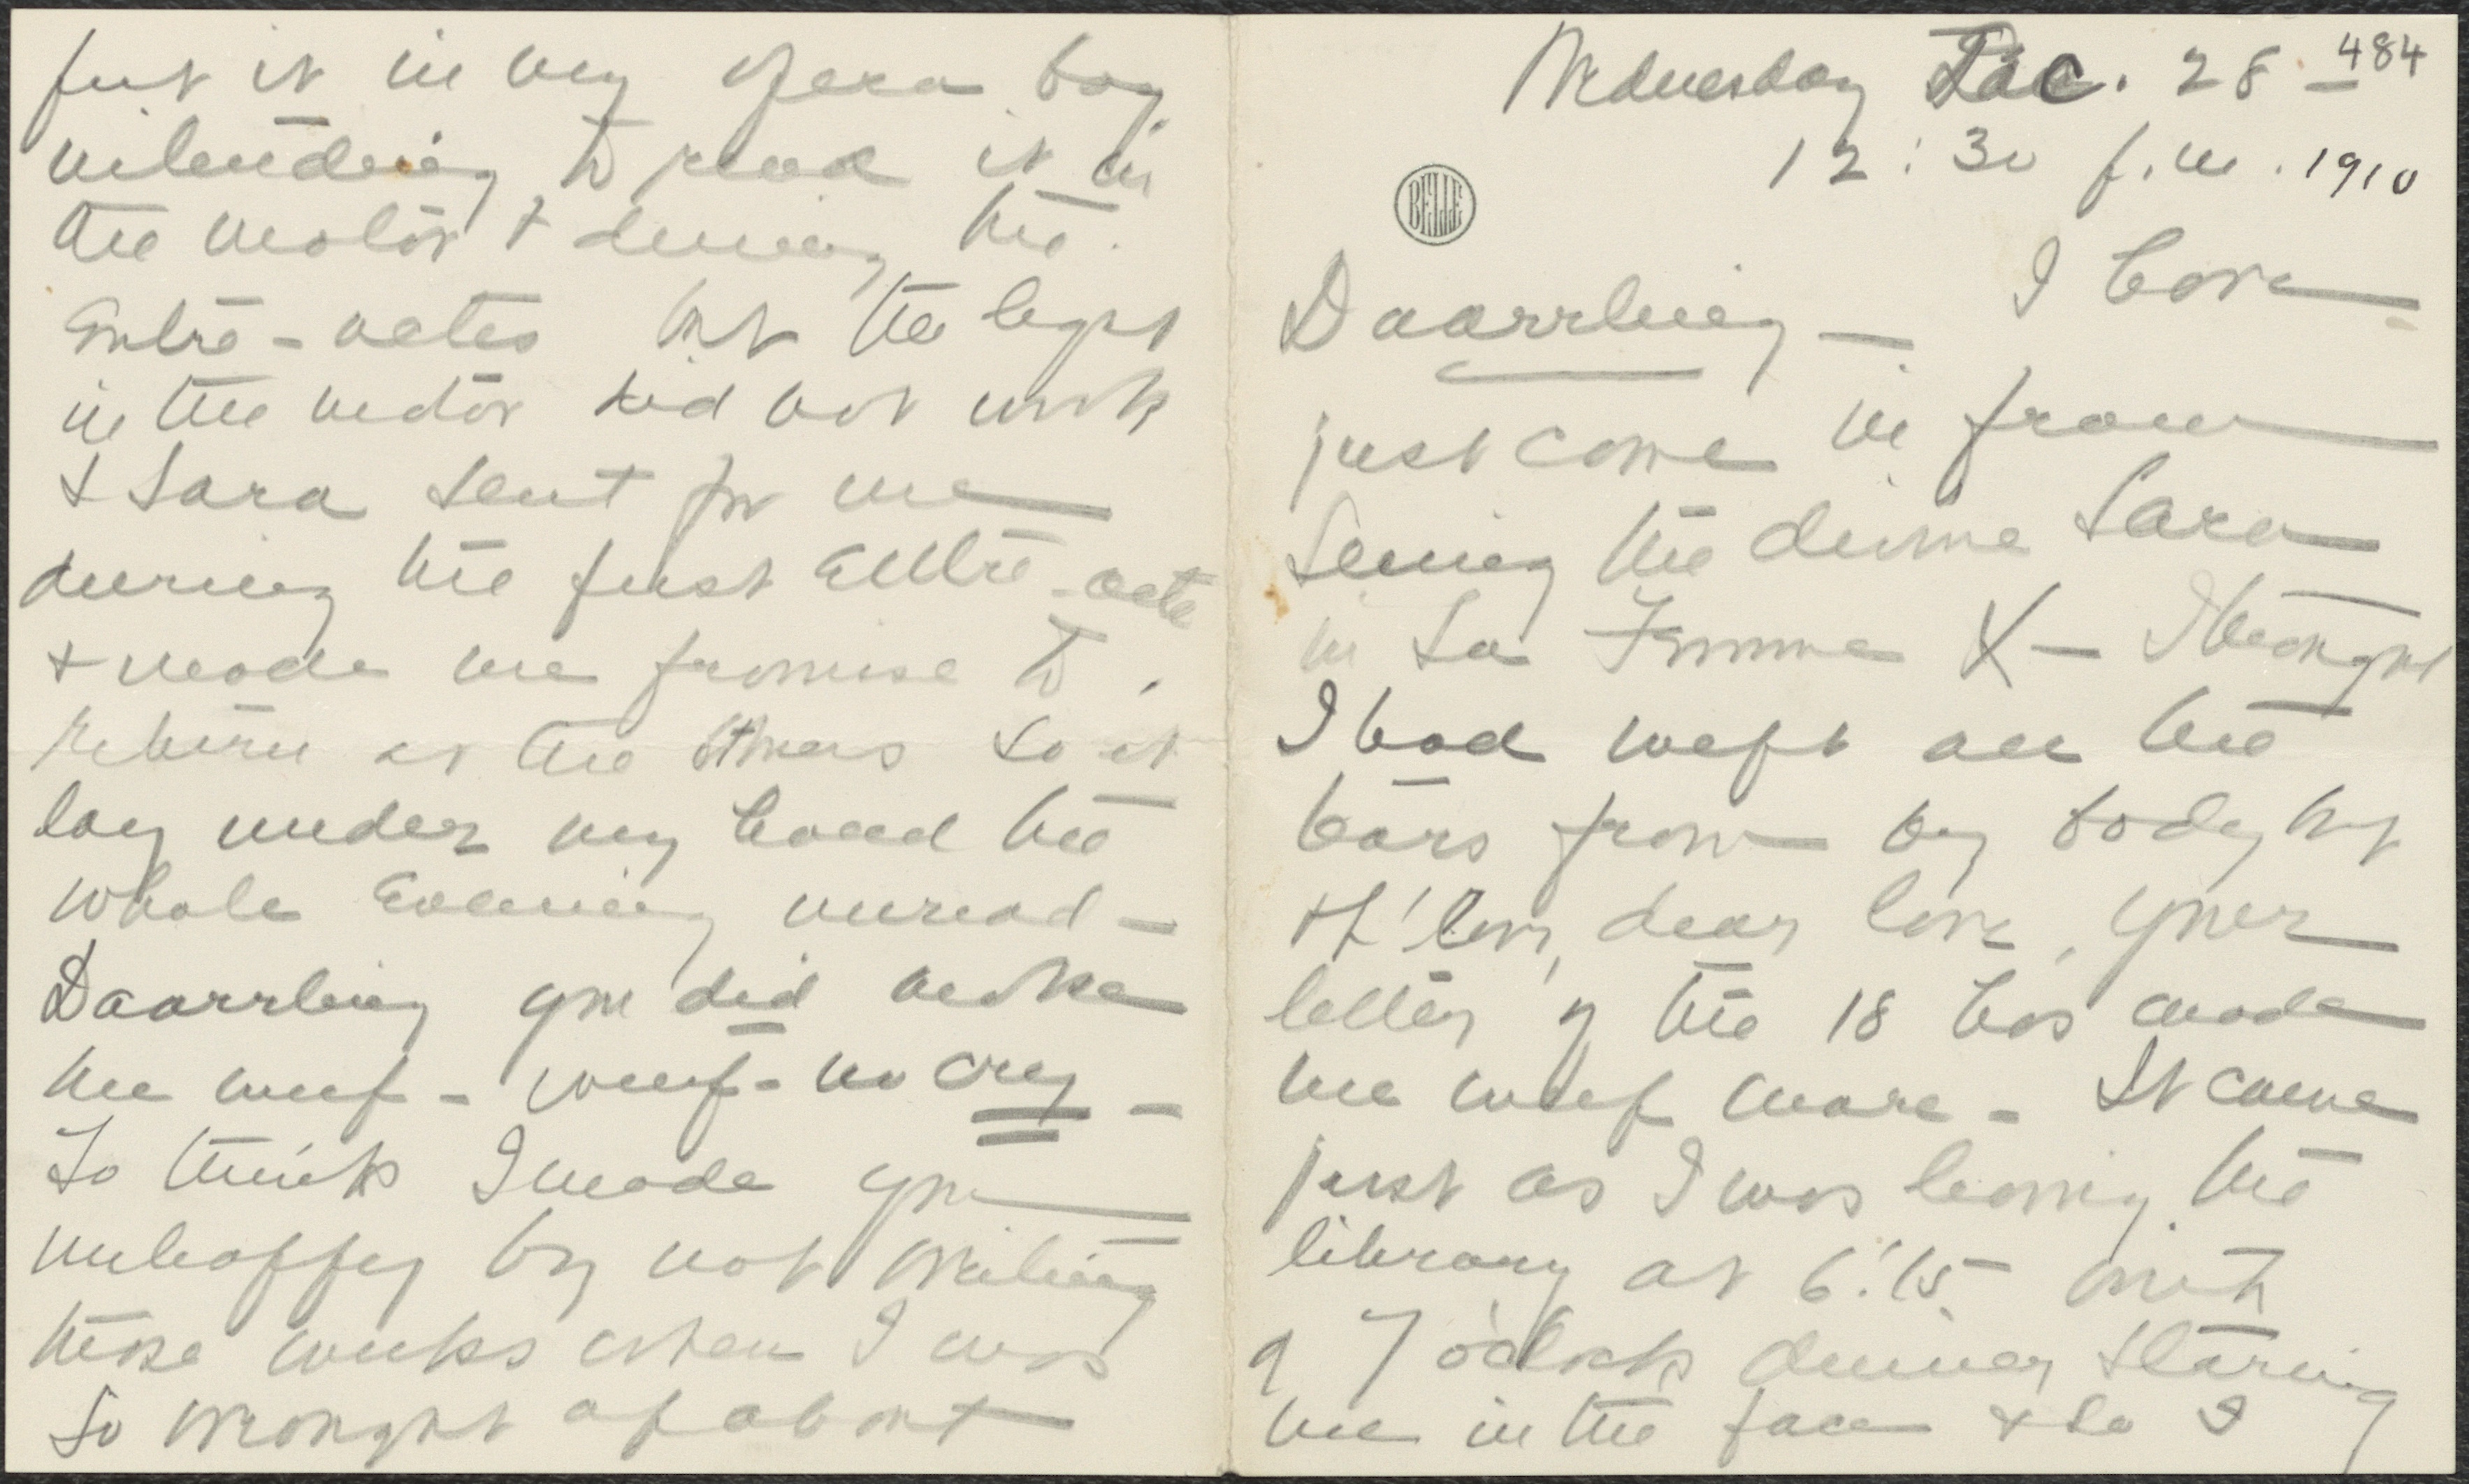Wednesday Jan Dec. 28 –
12:30 p.m.
Daarrling – I have just come in from seeing the divine Sara in La Femme X – I thought I had wept all the tears from my body but oh! love, dear love, your letter of the 18 has made me weep more – It came just as I was leaving the library at 6:15 with a 7 o’clock dinner staring me in the face & so I
put it in my opera bag intending to read it in the motor & during the entre-actes but the light in the motor did not work & Sara sent for me during the first entre-acte & made me promise to return at the others so it lay under my hand the whole evening unread – Daarrling you did make me weep – weep – no [double underlined: cry] – To think I made you unhappy by not writing those weeks when I was so wrought up about